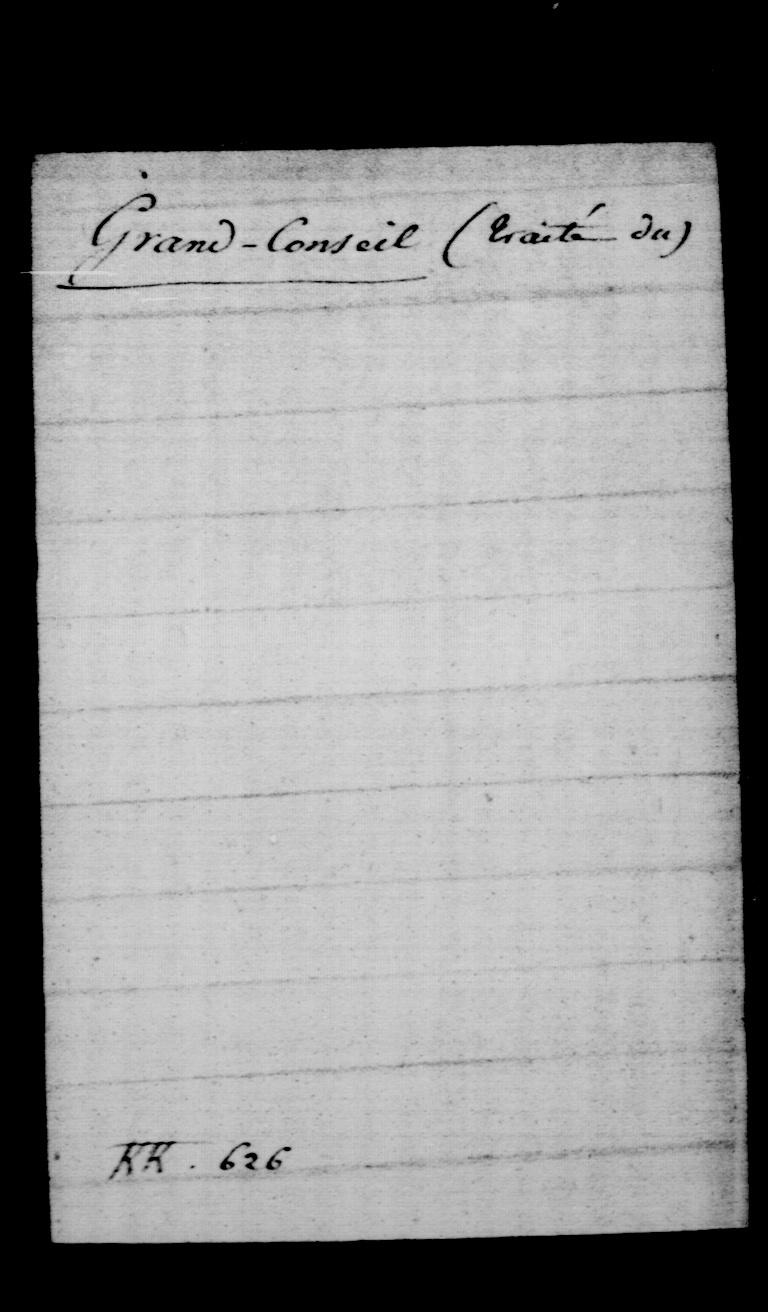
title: Grand-Conseil (Traité du)
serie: KK
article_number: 626
